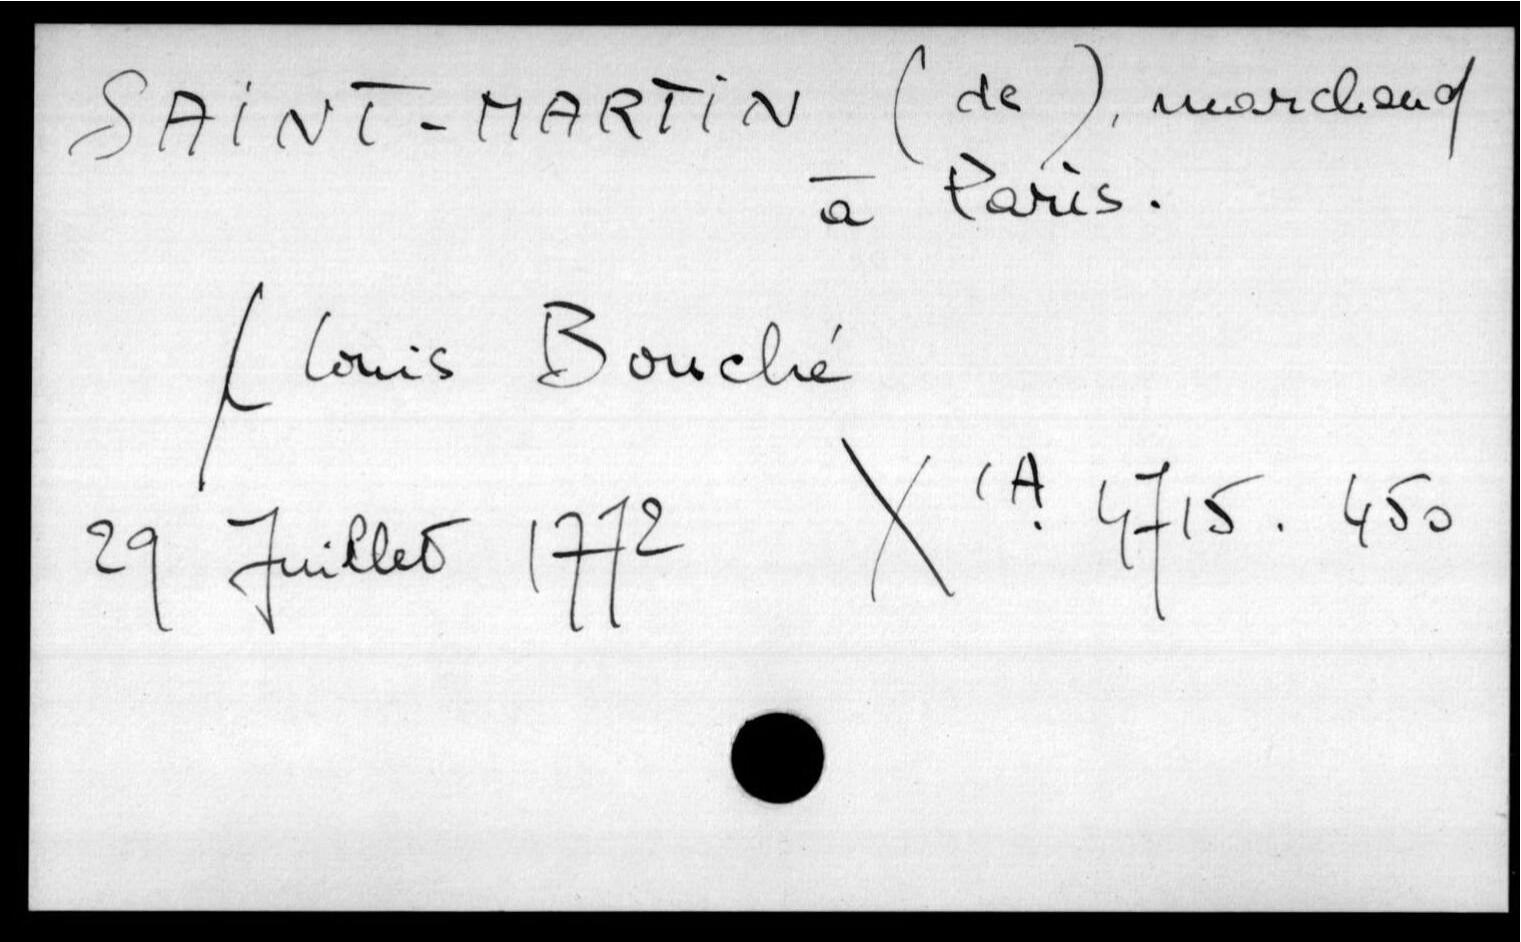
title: SAINT-MARTIN (de), marchand à Paris.
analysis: Contre Louis Bouché
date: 29 juillet 1772
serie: X1A
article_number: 4715
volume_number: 450
